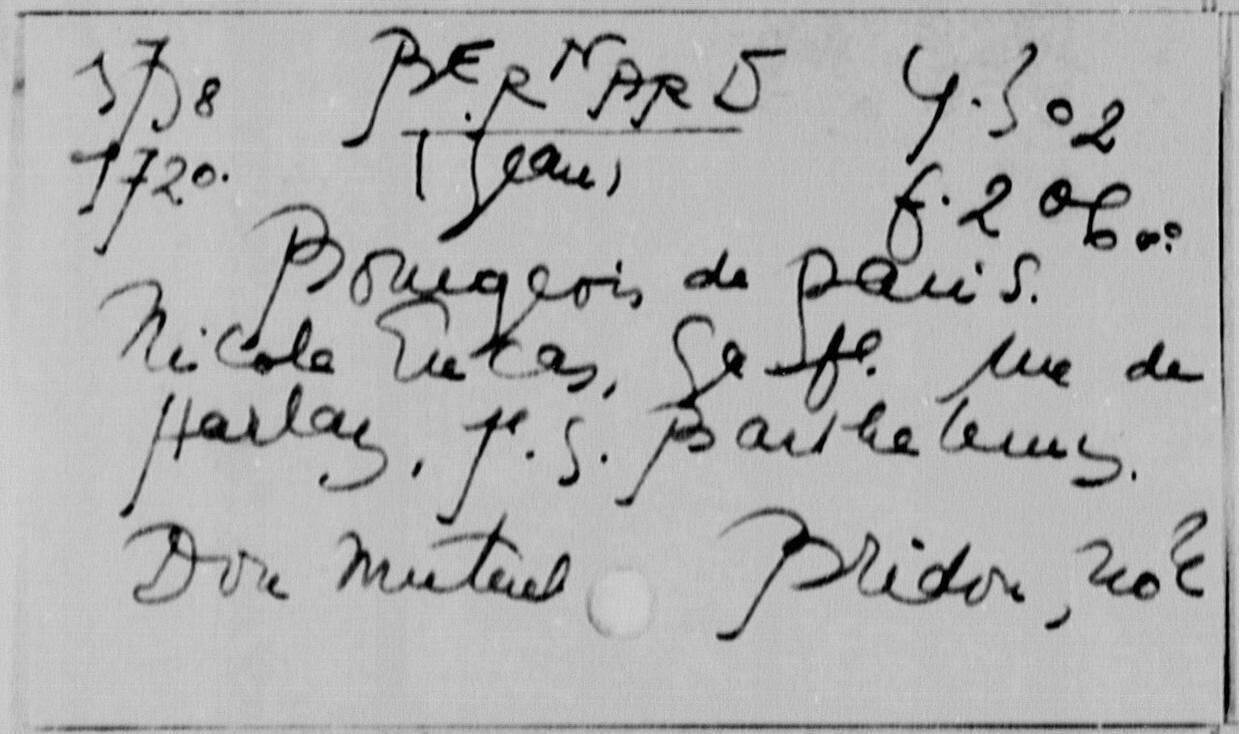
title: BERNARD (Jean)
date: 1708-1720
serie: Y
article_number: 302
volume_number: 206v
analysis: Bourgeois de Paris. Nicole Lucas, sa femme, rue de Harlay, paroisse Saint-Barthélemy. Don mutuel. Bridou, notaire.
